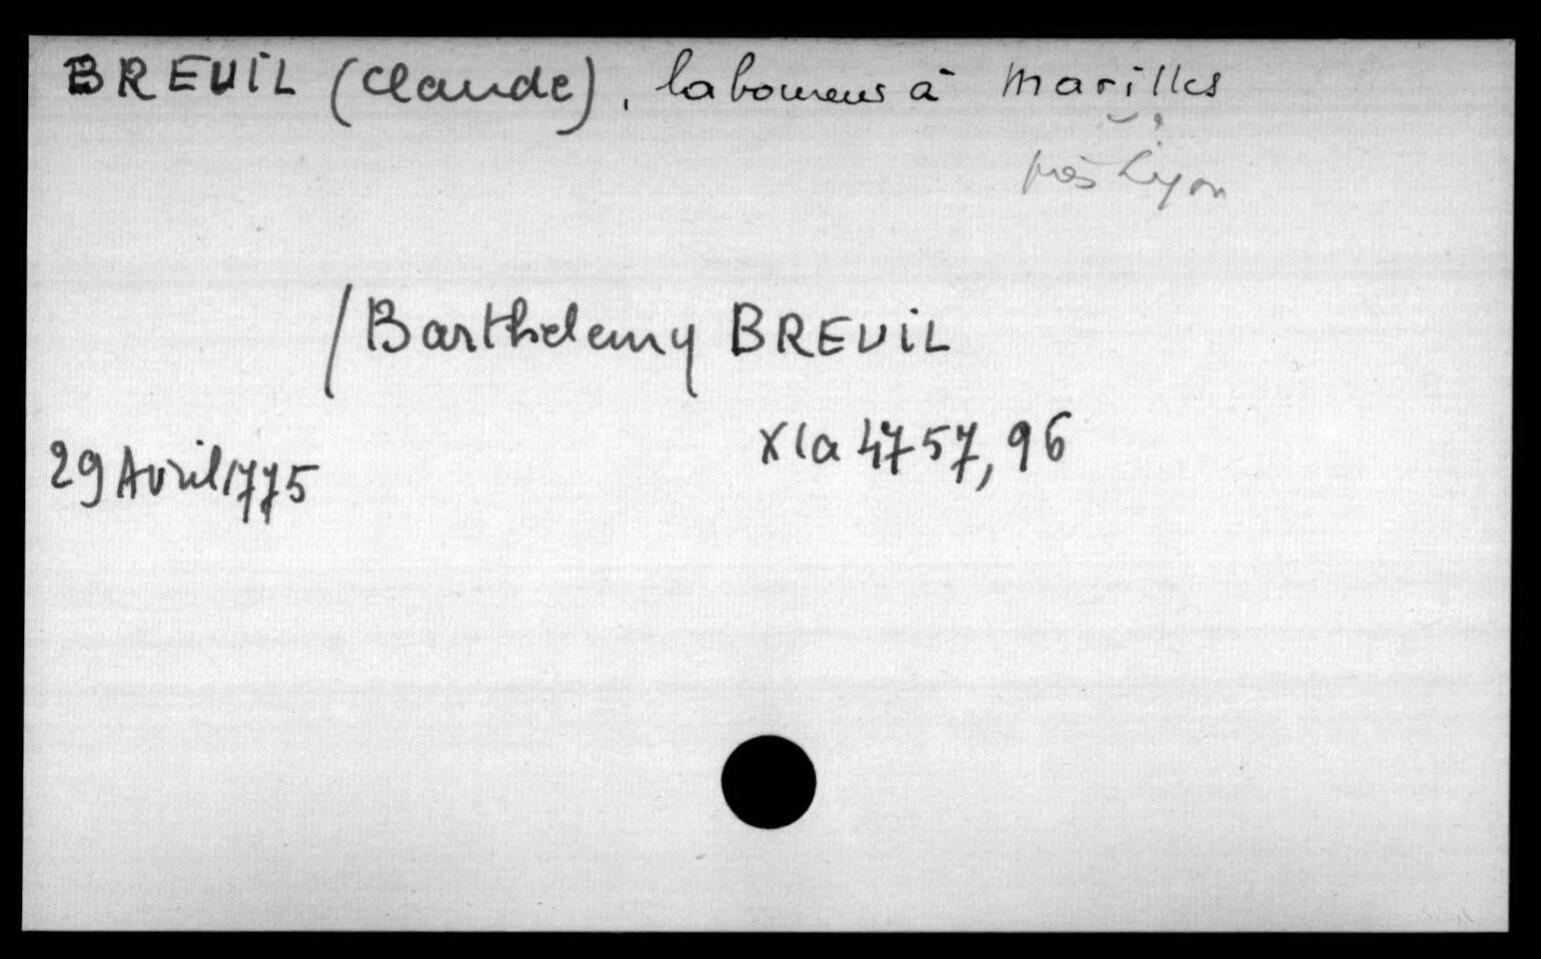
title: BREUIL (Claude), laboureur à Marilles près Lion
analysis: Contre Barthélemy BREUIL
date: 29 avril 1775
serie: X1a
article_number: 4757
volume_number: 96
